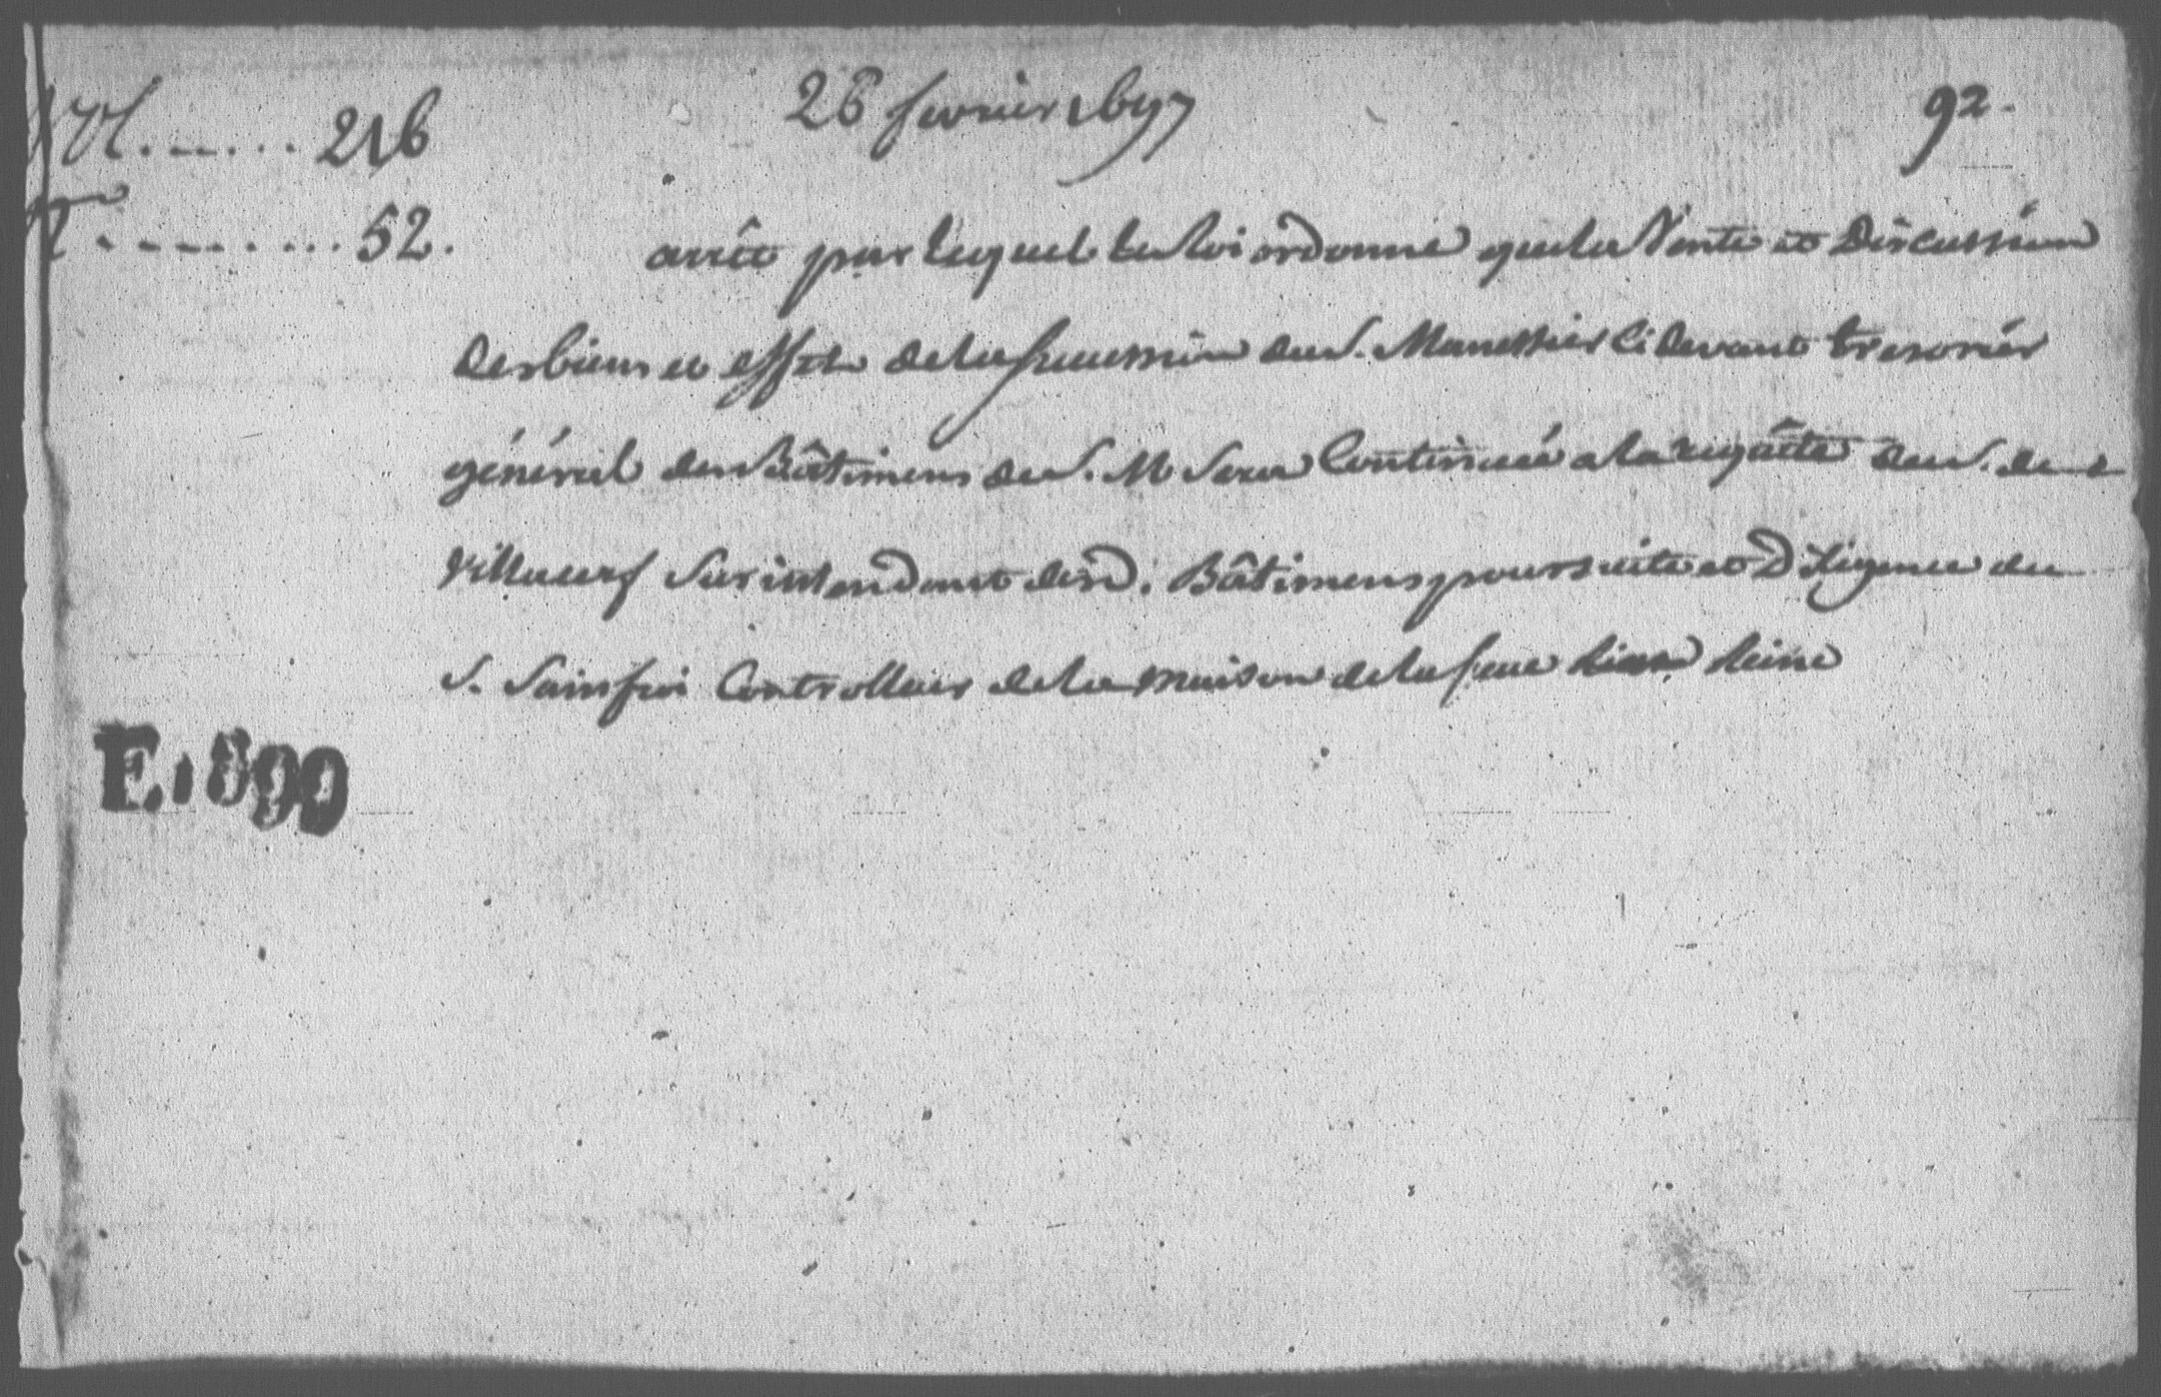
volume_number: n°52
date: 26 février 1697
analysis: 92
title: arrêt par lequel le Roi ordonne que la Vente et Discussion les biens et effets de la succession du S. Manessier ci devant tresorier général des Bâtimens de S. M. sera continuée a la requête du S. de Villacerf sur intendant desd. Bâtimens poursuite et diligence du S. Sainfroi Controlleur de la maison de la feue [mot barré] Reine
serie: E
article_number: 1899
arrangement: vol. 216
